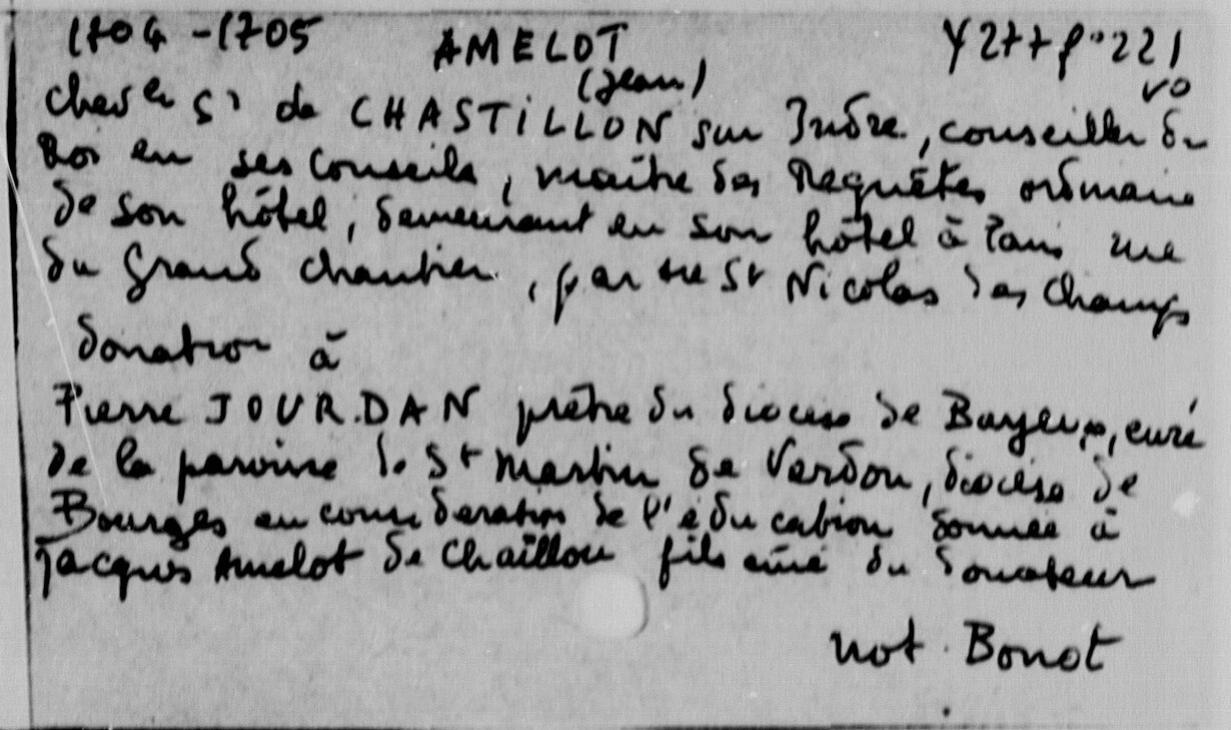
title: AMELOT (Jean)
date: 1704-1705
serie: Y
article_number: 277
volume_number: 221v
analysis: Chevalier, seigneur de CHASTILLON sur Indre, conseiller du roi en ses Conseils, maître des requêtes ordinaire de son hôtel, demeurant en son hôtel à Paris, rue du grand chantier, paroisse Saint-Nicolas-des-Champs. Donation à Pierre JOURDAN, prêtre du diocèse de Bayeux, curé de la paroisse de Saint-Martin-de-Verdon, diocèse de Bourges, en considération de l'éducation donnée à Jacques AMELOT DE CHAILLOU, fils aîné du donateur. Bonot, notaire.
